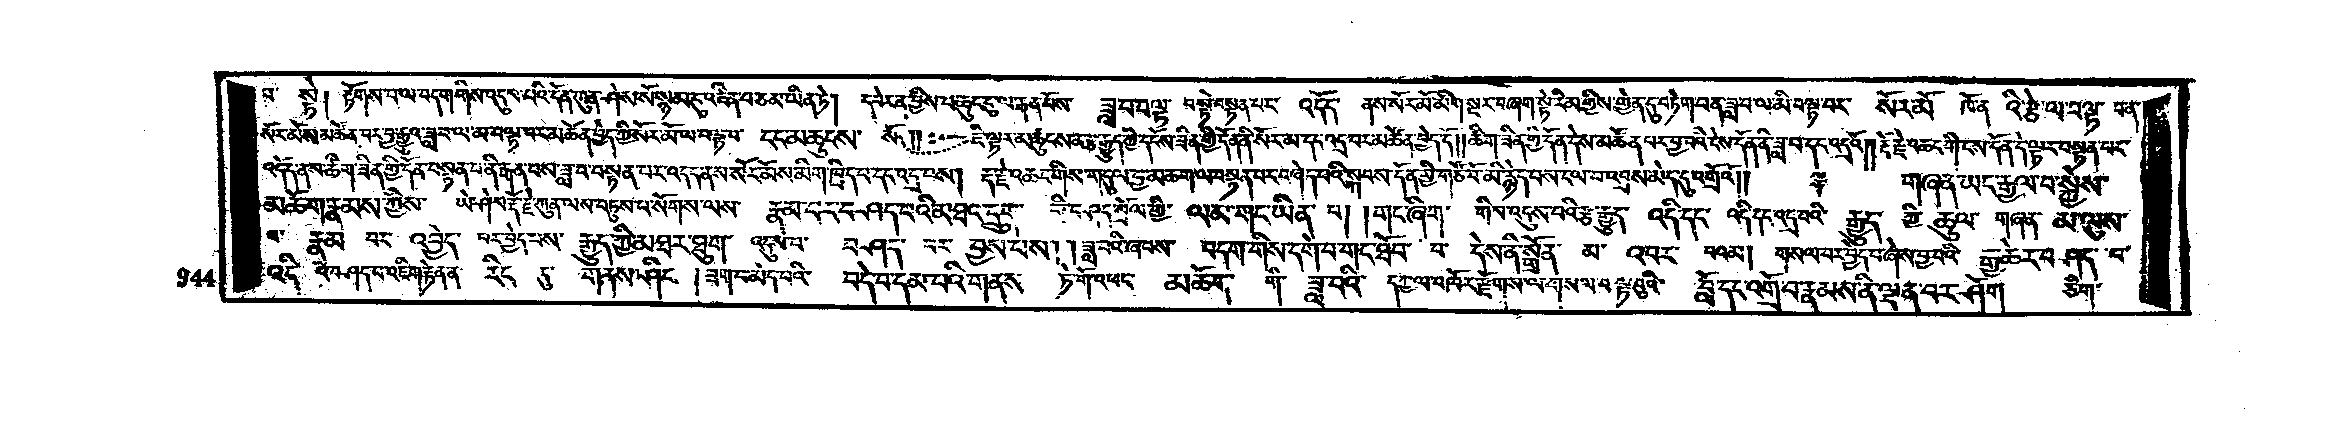བ་སྟེ། རྟོགས་པ་ལ་བདག་གིས་འདུས་པའི་དོན་ཀུན་ཤེས་སོ་སྙམ་དུ་འཛིན་པ་ཙམ་ཡིན་ཏེ། དཔེར་ན་བྱིས་པ་ཆུང་ངུ་ལ་རྒན་པོས་ཟླ་བ་བལྟ་བསྟེ་བསྟན་པར་འདོད་ནས་སོར་མོ་མིག་སྔར་བཞག་སྟེ་རིམ་གྱིས་གྱེན་དུ་བཏེག་པ་ན་ཟླ་བ་ལ་མི་བལྟ་བར་སོར་མོ་ཁོ་ནའི་རྩེ་ལ་བལྟ་བ་ན་
སོར་མོས་མཚོན་བར་བྱ་རྒྱུའི་ཟླ་བ་ལ་མ་བལྟ་བར་མཚོན་བྱེད་ཀྱི་སོར་མོ་ལ་བལྟ་བ་དང་མཚུངས་སོ།། H.་ཇི་ལྟར་མཚུངས་ན་རྩ་རྒྱུད་ཀྱི་དངོས་ཟིན་གྱི་དོན་ནི་སོར་མ་དང་འདྲ་བར་མཚོན་བྱེད་དོ། །ཚིག་ཟིན་གྱི་དོན་དེས་མཚོན་པར་བྱ་བའི་ངེས་དོན་ནི་ཟླ་བ་དང་འདྲའོ། །རྡོ་རྗེ་འཆང་གི་ངས་དོན་དེ་ལྟར་བསྟན་པར་
འདོད་ནས་ཚིག་ཟིན་གྱི་དོན་བསྟན་པ་ནི་རྒན་པས་ཟླ་བ་བསྟན་པར་འདོད་ནས་སོར་མོས་མིག་ཁྲིད་པ་དང་འདྲ་བས། རྡོ་རྗེ་འཆང་གིས་གདུལ་བྱ་མཆོག་ལ་བསྟན་པར་བཞེད་པའི་སྐབས་དོན་གྱི་གཙོ་བོ་མི་རྙེད་པས་ངལ་བ་འབྲས་མེད་དུ་འགྲོའོ།། ༈ གཞན་ཡང་རྒྱལ་བ་སྐྱེས་
མཆོག་རྣམས་ཀྱིས་ཡེ་ཤེས་རྡོ་རྗེ་ཀུན་ལས་བཏུས་པ་སོགས་ལས་རྣམ་པར་བཤད་པའི་མཐའ་དྲུག་གི་བཤད་སྲོལ་གྱི་ལམ་གང་ཡིན་པ། །གང་ཞིག་གིས་འདུས་པའི་རྩ་རྒྱུད་འདི་དང་འདི་དང་འདྲ་བའི་རྒྱུད་ཀྱི་ཚུལ་གཞན་མ་ལུས་
པ་རྣམ་པར་འབྱེད་པར་བྱེད་པས་རྒྱུད་ཀྱི་མཐར་ཐུག་འདུས་པ་བཤད་པར་བྱས་པས། །ཟླ་བའི་ཞབས་བདག་གིས་དགེ་བ་གང་ཐོབ་པ་དེས་ནི་སྒྲོན་མ་འབར་བའམ། གསལ་བར་བྱེད་པ་ཞེས་བྱ་བའི་རྒྱ་ཆེར་བཤད་པ་
འདིའོ་བཤད་པ་འཇིག་རྟེན་ན་རིང་དུ་གནས་ཤིང་། །ཟག་པ་མེད་པའི་བདེ་བ་དམ་པའི་གནས་ཏེ་གོ་འཕང་མཆོག་གི་ཟླ་བའི་དཀྱིལ་འཁོར་རྫོགས་ལ་གསལ་བ་ལྟ་བུའི་བློ་དང་འགྲོ་བ་རྣམས་ནི་ལྡན་པར་ཤོག་ཅིག་